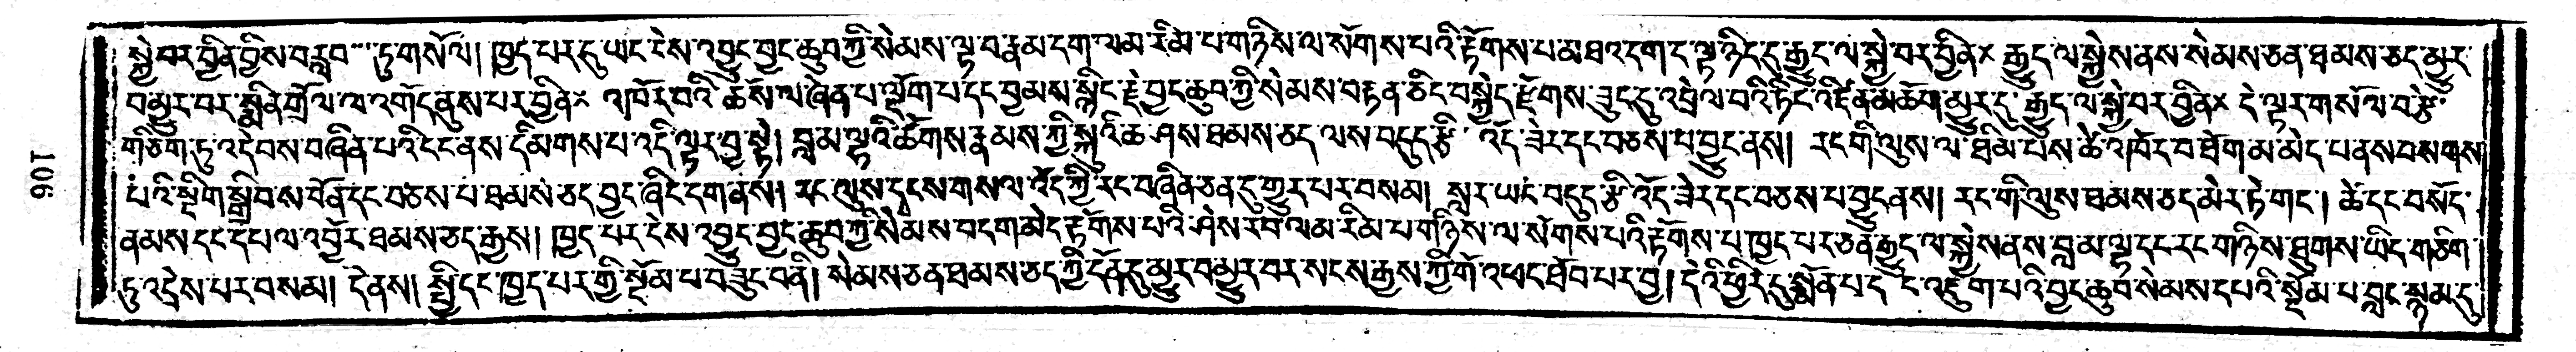སྐྱེ་བར་བྱིན་བྱིས་བརླབ་ཏུ་གསོལ། ཁྱད་པར་དུ་ཡང་ངེས་འབྱུང་བྱང་ཆུབ་ཀྱི་སེམས་ལྟ་བ་རྣམ་དག་ལམ་རིམ་པ་གཉིས་ལ་སོགས་པའི་རྟོགས་པ་མཐའ་དག་ད་ལྟ་ཉིད་དུ་རྒྱུང་ལ་སྐྱེ་བར་བྱིན་྾་རྒྱུད་ལ་སྐྱེས་ནས་སེམས་ཅན་ཐམས་ཅད་མྱུར་
བ་མྱུར་བར་སྨིན་གྲོལ་ལ་འགོད་ནུས་པར་བྱིན་྾་འཁོར་བའི་ཆོས་ལ་ཞེན་པ་ལྡོག་པ་དང་བྱམས་སྙིང་རྗེ་བྱང་ཆུབ་ཀྱི་སེམས་བརྟན་ཅིང་བསྐྱེད་རྫོགས་ཟུང་དུ་འབྲེལ་བའི་ཏིང་འཛིན་མཆོག་མྱུར་དུ་རྒྱུད་ལ་སྐྱེ་བར་བྱིན་྾་དེ་ལྟར་གསོལ་བ་རྩེ་
གཅིག་ཏུ་འདེབས་བཞིན་པའི་ངང་ནས་དམིགས་པ་འདི་ལྟར་བྱ་སྟེ། བླ་མ་ལྷའི་ཚོགས་རྣམས་ཀྱི་སྐུའི་ཆ་ཤས་ཐམས་ཅད་ལས་བདུད་རྩི་འོད་ཟེར་དང་བཅས་པ་བྱུང་ནས། རང་གི་ལུས་ལ་ཐིམ་པས་ཚེ་འཁོར་བ་ཐོག་མ་མེད་པ་ནས་བསགས་
པའི་སྡིག་སྒྲིབ་ས་བོན་དང་བཅས་པ་ཐམས་ཅད་བྱང་ཞིང་དག་ནས། རང་ལུས་དྭངས་གསལ་འོད་ཀྱི་རང་བཞིན་ཅན་དུ་གྱུར་པར་བསམ། སླར་ཡང་བདུད་རྩི་འོད་ཟེར་དང་བཅས་པ་བྱུང་ནས། རང་གི་ལུས་ཐམས་ཅད་མེར་ཏེ་གང་། ཚེ་དང་བསོད་
ནམས་དང་དཔལ་འབྱོར་ཐམས་ཅད་རྒྱས། ཁྱད་པར་ངེས་འབྱུང་བྱང་ཆུབ་ཀྱི་སེམས་བདག་མེད་རྟོགས་པའི་ཤེས་རབ་ལམ་རིམ་པ་གཉིས་ལ་སོགས་པའི་རྟོགས་པ་ཁྱད་པར་ཅན་རྒྱུད་ལ་སྐྱེས་ནས་བླ་མ་ལྷ་དང་རང་གཉིས་ཐུགས་ཡིད་གཅིག་
ཏུ་འདྲེས་པར་བསམ། དེ་ནས། སྤྱི་དང་ཁྱད་པར་གྱི་སྔོམ་པ་བཟུང་བ་ནི། སེམས་ཅན་ཐམས་ཅད་ཀྱི་དོན་དུ་མྱུར་བ་མྱུར་བར་སངས་རྒྱས་ཀྱི་གོ་འཕང་ཐོབ་པར་བྱ། དེའི་ཕྱིར་དུ་སྨོན་པ་དང་འཇུག་པའི་བྱང་ཆུབ་སེམས་དཔའི་སྡོམ་པ་བླང་སྙམ་དུ་